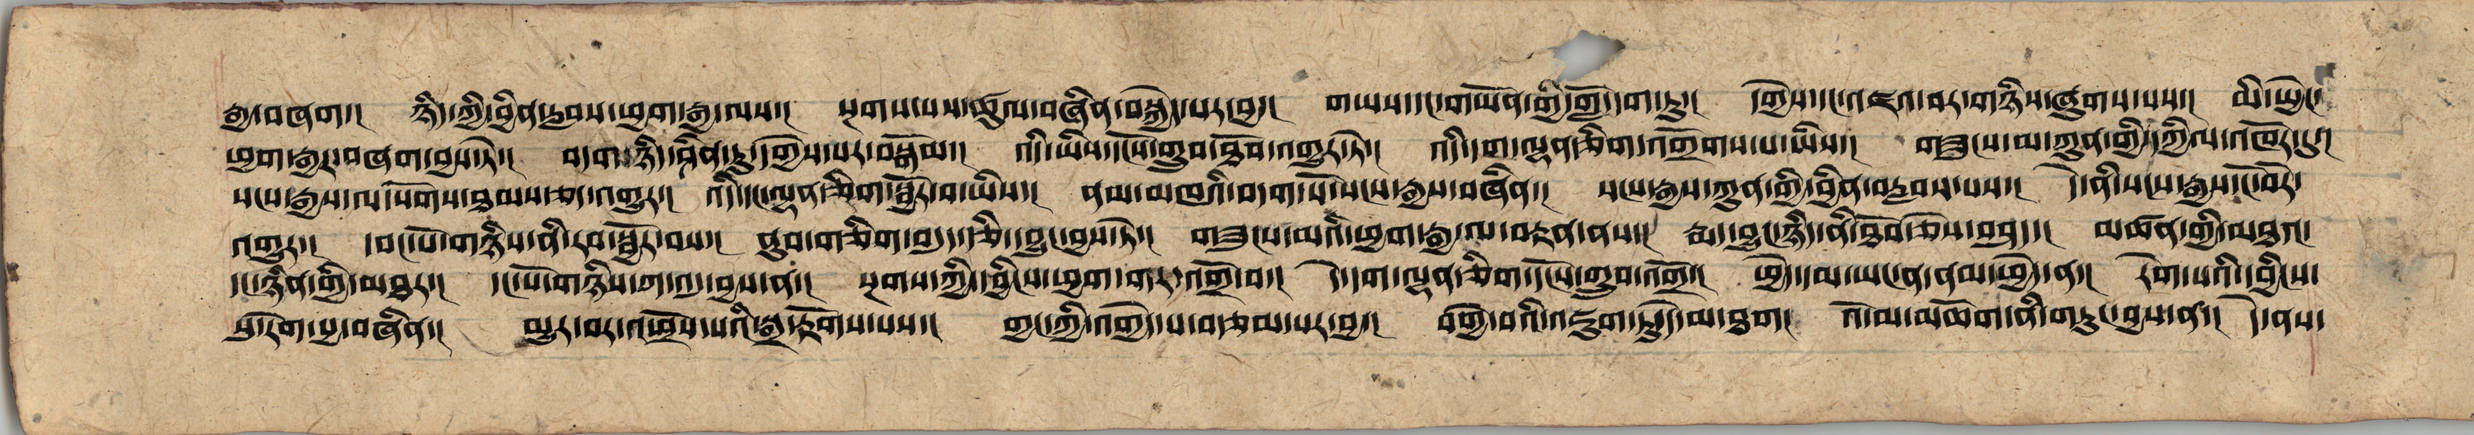རྒྱ་བཞག་། ཉིད་ཀྱི་བྱིན་རླབས་ཕྱག་རྒྱ་ལས་། སྔགས་པས་ཚུལ་བཞིན་བསྐྱེད་པར་བྱ་། གཡས་དང་གཡོན་གྱི་གློ་དག་ཏུ་། དགྱེས་དང་འཇའ་བར་གཉིས་ཞུགས་པས་། མི་ཡྱེང་
ཕྱག་རྒྱར་བཞག་བྱས་ཏེ་། བདག་ཉིད་ཤིན་ཏུ་དགྱེས་པར་བསྒོམ་། འདི་ཡིས་དངོས་གྲུབ་ཐོབ་འགྱུར་ཏེ་། འདི་དག་ལྷན་ཅིག་འགྲོགས་པ་ཡིས་། གཟུངས་མ་ཀུན་གྱི་དཀྱིལ་འཁོར་དུ་།
སངས་རྒྱས་ལ་སོགས་ཐམས་ཅད་འགྱུར་། འདི་དང་ལྡན་ཅིག་སྦྱོར་བ་ཡིས་། ནམ་མཁའི་བདག་པོ་སངས་རྒྱས་བཞིན་། སངས་རྒྱས་ཀུན་གྱི་བྱིན་བརླབས་པས་། དེ་ནི་སངས་རྒྱས་ངོ་བོར་
འགྱུར་། དབང་པོ་གཉིས་ནི་རབ་སྦྱོར་བས་། ནུབ་གཅིག་བདུད་རྩི་དབྱུང་བྱས་ཏེ་། གཟུངས་མའི་ཕྱག་རྒྱ་ལ་བརྟན་ནས་། རྨད་བྱུང་ཉིད་ནི་ཐོབ་ཅེས་བཤད་། མཚན་གྱི་མཐའ་
དང་ཉིན་གྱི་མཐར་། དང་པོ་གཉིས་ཀ་འདུ་བྱས་ན་། སྔགས་ཀྱི་དབྱིངས་ཕྱག་གར་འགྲོ་བ་། དེ་དག་ལྷན་ཅིག་དངོས་གྲུབ་འགྲོ་། ཕྱེད་དམ་ཡང་ན་ནམ་ཕྱེད་ན་། རེག་པའི་དབྱིངས་
སུ་རེག་བྱ་བཞིན་། མྱུར་བར་འཕྲོས་པའི་སྒྲ་རྟོགས་པས་། གྱང་ཀྱི་འགྱེད་པ་བརྩམ་པར་བྱ་། བགྱེ་བའི་འཇུག་ཏུ་དེ་མ་ཐག། འོ་མ་མཆོག་ནི་གཏུང་བྱས་ན་། དེ་ནས་